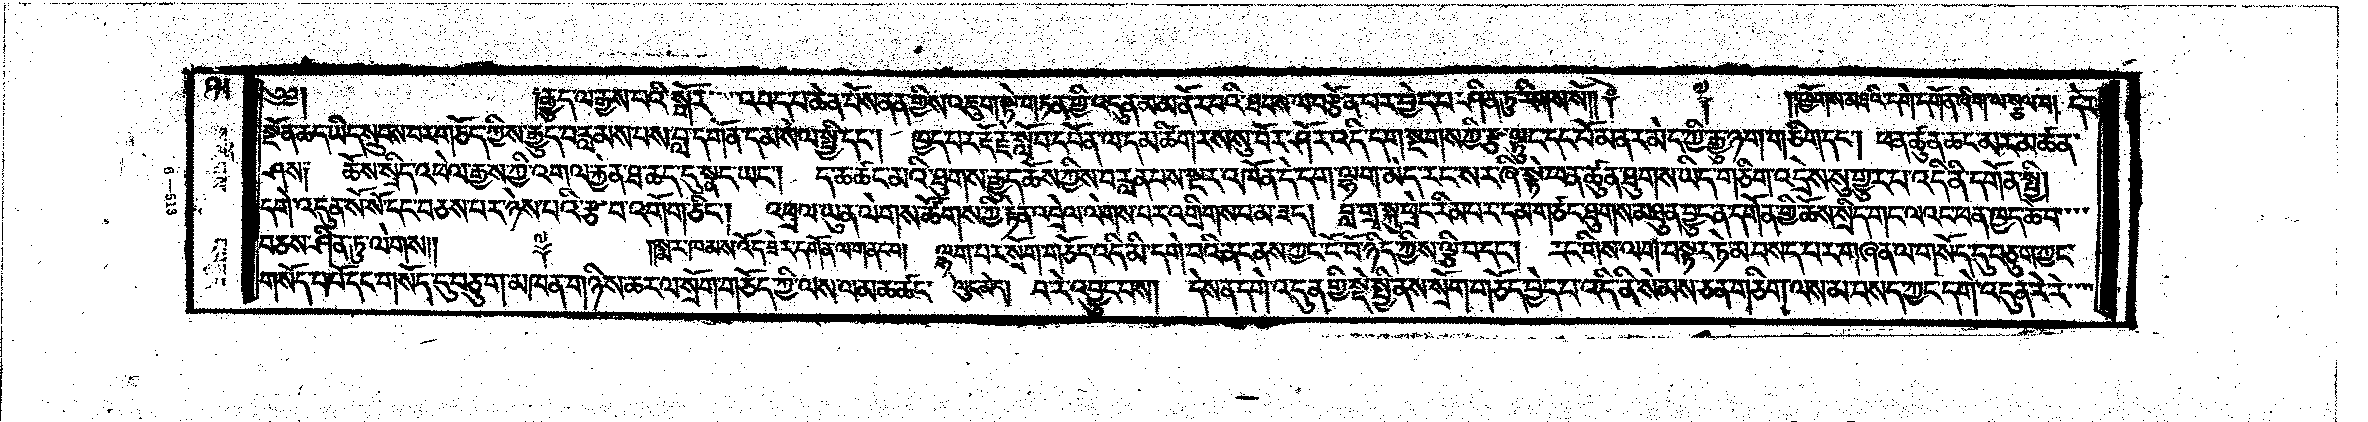༄༅། །རྒྱུད་ལ་རྒྱས་པའི་སྒོར་འབད་པ་ཆེན་པོས་ནན་གྱིས་འཇུག་སྟེ་གཏན་གྱི་འདུན་མ་མ་ནོར་བའི་ཐབས་ལ་བརྩོན་པར་བྱེད་བ་ཤིན་ཏུ་རིགས་སོ།། ༈ ༈ །།ཕྱོགས་མཐའི་དགེ་དགོན་ཞིག་ལ་སྩལ་བ།  དོར་
སྔོན་ཆད་ཡིད་སྲུབས་པར་གཅོད་ཀྱིས་རྒྱུད་བརླམས་པས་བླ་དགོན་དམ་སལ་སྤྱི་དང་། ཁྱད་པར་རྡོ་རྗེ་སློབ་དཔོན་ལ་དམ་ཚིག་རས་སུ་བོར་ཤོར་འདི་དག་སྔགས་ཀྱི་རྩ་ལྟུང་དང་བོ་མནར་མེད་ཀྱི་རྒྱུ་ཉག་གཅིག་དང་། ཕན་ཚུན་ཆང་མར་མཚན་
ཤས༑ ཆོས་སྲིད་འཕེལ་རྒྱས་ཀྱི་འགལ་རྐྱེན་ཐ་ཆད་དུ་སྣང་ཡང་། ད་ཆ་ཚང་མའི་ཐུགས་རྒྱུད་ཆོས་ཀྱིས་བརླན་པས་སྔར་འཁོན་དེ་དག་ལྷག་མེད་རང་སར་ཞི་སྟེ་ཕན་ཚུན་ཐུགས་ཡིད་གཅིག་འདྲེས་སུ་གྱུར་པ་འདི་ནི་དགོན་སྤྱི།
དགེ་འདུན་སོ་སོ་དང་བཅས་པར་ཉེས་པའི་རྩ་བ་འགོག་ཅིང་། འཕྲལ་ཡུན་ལེགས་ཚོགས་ཀྱི་རྟེན་འབྲེལ་ལེགས་པར་འགྲིགས་པ་མ་ཟད། བླ་གྲྭ་སྐུ་ཕྲེང་རིམ་པར་དམ་གཙང་ཐུགས་མཐུན་བྱུང་ན་དགོན་གྱི་ཆོས་སྲིད་གང་ལའང་ཕན་ཁྱད་ཆེ་བ་
བཅས་ཤིན་ཏུ་ལེགས།། ༈ །།སྨར་ཁམས་འོད་ཟེར་དགོན་ལ་གནང་བ།  ལྷག་པར་སྲོག་གཅོད་འདི་མི་དགེ་བའི་ནང་ནས་ཀྱང་ངོ་བོ་ཉིད་ཀྱིས་ལྕི་བ་དང་། རང་གིས་ལག་བསྟར་ཏེ་མ་བསད་པར་གཞན་ལ་གསོད་དུ་བཅུག་ཀྱང་
གསོད་པ་པོ་དང་གསོད་དུ་བཅུག་མཁན་གཉིས་ཆར་ལ་སྲོག་གཅོད་ཀྱི་ལས་ལམ་ཆ་ཚང་ལུང་མེད།  བ་རེ་འབྱུང་བས། དེས་ན་དགེ་འདུན་གྱི་སྡེ་སྤྱི་ནས་སྲོག་གཅོད་བྱེད་པ་འདི་ནི་སེམས་ཅན་གཅིག་ལས་མ་བསད་ཀྱང་དགེ་འདུན་རེ་རེ་